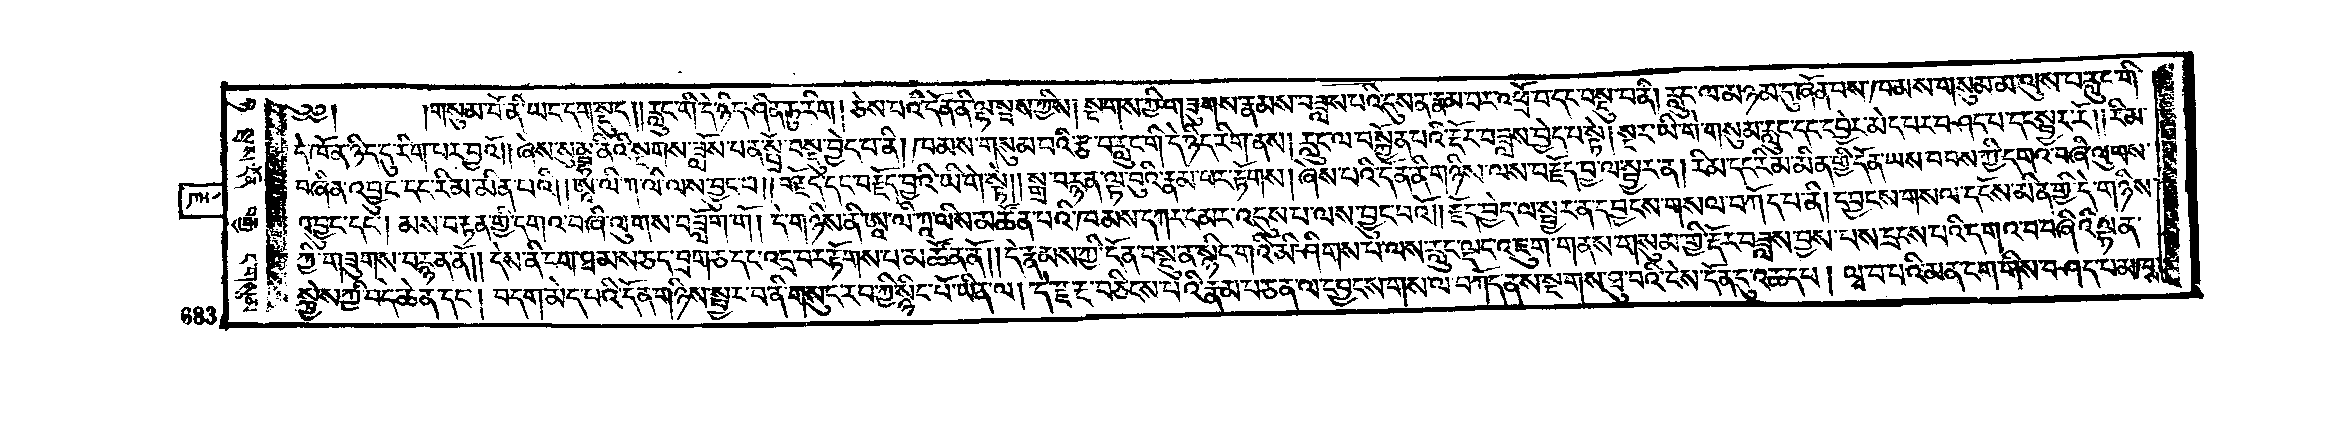༄༅། །གསུམ་པོ་ནི་ཡང་དག་སྡུད། །རླུང་གི་དེ་ཉིད་ཤིན་ཏུ་རིག །ཅེས་པའི་དོན་ནི་ལྷ་སྦས་ཀྱིས། སྔགས་ཀྱི་གཟུགས་རྣམས་བཟླས་པའི་དུས་ན་རྣམ་པར་འཕྲེ་བ་དང་བསྡུ་བ་ནི། རླུང་ལ་མཉམ་དུ་ཞོན་པས་ཁམས་གསུམ་མ་ལུས་པ་རླུང་གི་
དེ་ཁོ་ན་ཉིད་དུ་རིག་པར་བྱའོ། །ཞེས་སུམྦྷ་ནིའི་སྔགས་ཟློས་པ་ན་སྤྲོ་བསྡུ་བྱེད་པ་ནི། ཁམས་གསུམ་པའི་རྩ་བ་རླུང་གི་དེ་ཉིད་རིག་ནས། རླུང་ལ་བསྐྱོན་པའི་རྡོར་བཟླས་བྱེད་པ་སྟེ། སྔར་ཡི་གེ་གསུམ་རླུང་དང་དབྱེར་མེད་པར་བཤད་པ་དང་སྦྱར་རོ། །རིམ་
བཞིན་འབྱུང་དང་རིམ་མིན་པའི། །ཨཱ་ལི་ཀ་ལི་ལས་བྱུང་པ། །བརྗོད་དང་བརྗོད་བྱའི་ཡི་གེ་སྟེ། །སྒྲ་བརྙན་ལྟ་བུའི་རྣམ་པར་རྟོགས། ཞེས་པའི་དོན་ནི་གཉིས་ལས་བརྗོད་བྱ་ལ་སྦྱར་ན། རིམ་དང་རིམ་མིན་གྱི་དོན་ཡས་བབས་ཀྱི་དགའ་བཞི་ལུགས་
འབྱུང་དང་། མས་བརྟན་གྱི་དགའ་བཞི་ལུགས་བཟློག་གོ། དེ་གཉིས་ནི་ཨཱ་ལི་ཀཱ་ལིས་མཚོན་པའི་ཁམས་དཀར་དམར་འདུས་པ་ལས་བྱུང་བའོ། །རྗོད་བྱེད་ལ་སྦྱར་ན་དབྱངས་གསལ་བཀོད་པ་ནི། དབྱངས་གསལ་དངོས་མིན་གྱི་དེ་གཉིས་
ཀྱི་གཟུགས་བརྙན་ནོ། །དེས་ནི་ངག་ཐམས་ཅད་བྲག་ཅ་དང་འདྲ་བར་རྟོགས་པ་མཚོན་ནོ། །དེ་རྣམས་ཀྱི་དོན་བསྡུ་ན་སྙིང་གའི་མི་ཤིགས་པ་ལས་རླུང་ལྡང་འཇུག་གནས་གསུམ་གྱི་རྡོར་བཟླས་བྱས་པས་དྲངས་པའི་དགའ་བ་བཞིའི་ལྷན་
སྐྱེས་ཀྱི་བདེ་ཆེན་དང་། བདག་མེད་པའི་དོན་གཉིས་སྦྱར་བ་ནི་གསུང་རབ་ཀྱི་སྙིང་པོ་ཡིན་ལ། དེ་རྫ་རྔ་བཅིངས་པའི་རྣམ་པ་ཅན་ལ་དབྱངས་གསལ་བཀོད་ནས་སྔགས་ཐུ་བའི་ངེས་དོན་དུ་འཆད་པ། ལྭ་བ་པའི་མན་ངག་གིས་བཤད་པ་མཁས་